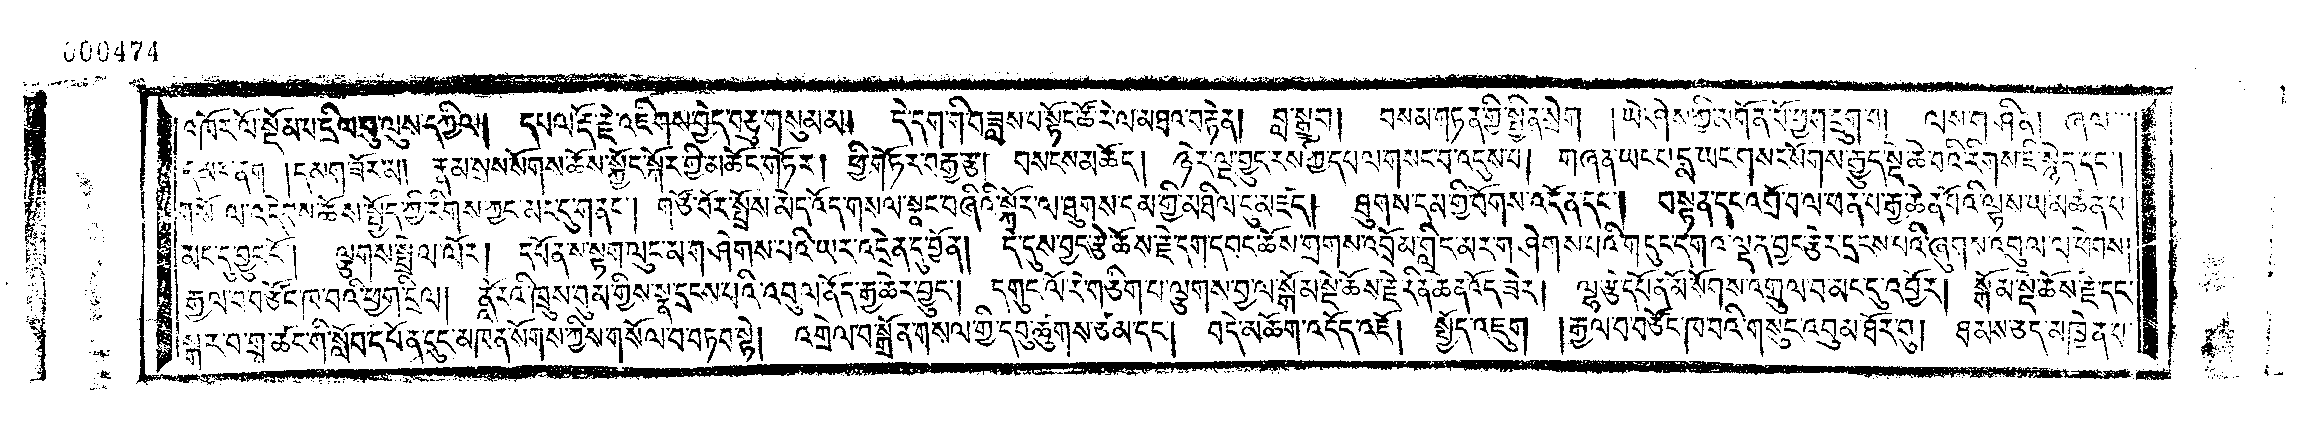འཁོར་ལོ་སྡོམ་པ་དྲིལ་བུ་ལུས་དཀྱིལ། དཔལ་རྡོ་རྗེ་འཇིགས་བྱེད་བཅུ་གསུམ་མ། དེ་དག་གི་བཟླས་བ་སྟོང་ཚོ་རེ་ལ་མཐའ་བརྟེན། བླ་སྒྲུབ། བསམ་གཏན་གྱི་སྦྱིན་སྲེག །ཡེ་ཤེས་ཀྱི་མགོན་པོ་ཕྱག་དྲུག་པ། ལས་གཤིན། ཞལ་
དམར་ནག །དམག་ཟོར་མ། རྣམ་སྲས་སོགས་ཆོས་སྐྱོང་སྐོར་གྱི་མཆོད་གཏོར། ཕྱི་གཏོར་བརྒྱ་རྩ། བསངས་མཆོད། ཉེར་ལྔ་བྱུང་རེས་ཀྱི་དཔལ་གསང་བ་འདུས་པ། གཞན་ཡང་པདམ་ཡང་གསང་སོགས་རྒྱུད་སྡེ་ཆེ་བའི་རིགས་ཇི་སྙེད་དང་།
གསོལ་འདེབས་ཆོས་སྤྱོད་ཀྱི་རིགས་ཀྱང་མང་དུ་གནང་། གཙོ་བོར་སྤྲོས་མེད་འོད་གསལ་སྣང་བཞིའི་སྐོར་ལ་ཐུགས་དམ་གྱི་མཐིལ་དུ་མཛད། ཐུགས་དམ་གྱི་བོགས་འདོན་དང་། བསྟན་དང་འགྲོ་བ་ལ་ཕན་པ་རྒྱ་ཆེན་པོའི་ལྟས་ཡ་མཚན་པ་
མང་དུ་བྱུང་ངོ། ལྕགས་སྤྲེལ་ལོར། དཔོན་ས་སྟག་ལུང་མ་གཤེགས་པའི་ཡར་འདྲེན་དུ་བྱོན། དེ་དུས་བྱང་རྩེ་ཆོས་རྗེ་ངག་དབང་ཆོས་གྲགས་འབྲོམ་གླིང་མར་གཤེགས་པའི་གདུང་དགའ་ལྡན་བྱང་རྩེར་དྲངས་པའི་ཞུགས་འབུལ་ལ་ཕེབས།
རྒྱལ་བ་བཙོང་ཁ་པའི་ཕྱག་དྲིལ། ནཱ་རོའི་ཁྲུས་བུམ་གྱིས་སྣ་དྲངས་པའི་འབུལ་ནོད་རྒྱ་ཆེར་བྱུང་། དགུང་ལོ་རེ་གཅིག་བ་ལྕགས་བྱ་ལ་སྒོམ་སྡེ་ཆོས་རྗེ་རིན་ཆེན་འོད་ཟེར། ལྷ་རྩེ་དཔོན་མོ་སོགས་འགྲུལ་པ་མང་དུ་འབྱོར། སྒོམ་སྡེ་ཆོས་རྗེ་དང་
སྒར་པ་གྲྭ་ཚང་གི་སློབ་དཔོན་དུང་མཁན་སོགས་ཀྱིས་གསོལ་བ་བཏབ་སྟེ། འགྲེལ་བ་སྒྲོན་གསལ་གྱི་དབུ་ཚུགས་ཙམ་དང་། བདེ་མཆོག་འདོད་འཇོ། སྤྱོད་འཇུག །རྒྱལ་བ་བཙོང་ཁ་པའི་གསུང་འབུམ་ཐོར་བུ། ཐམས་ཅད་མཁྱེན་པ་